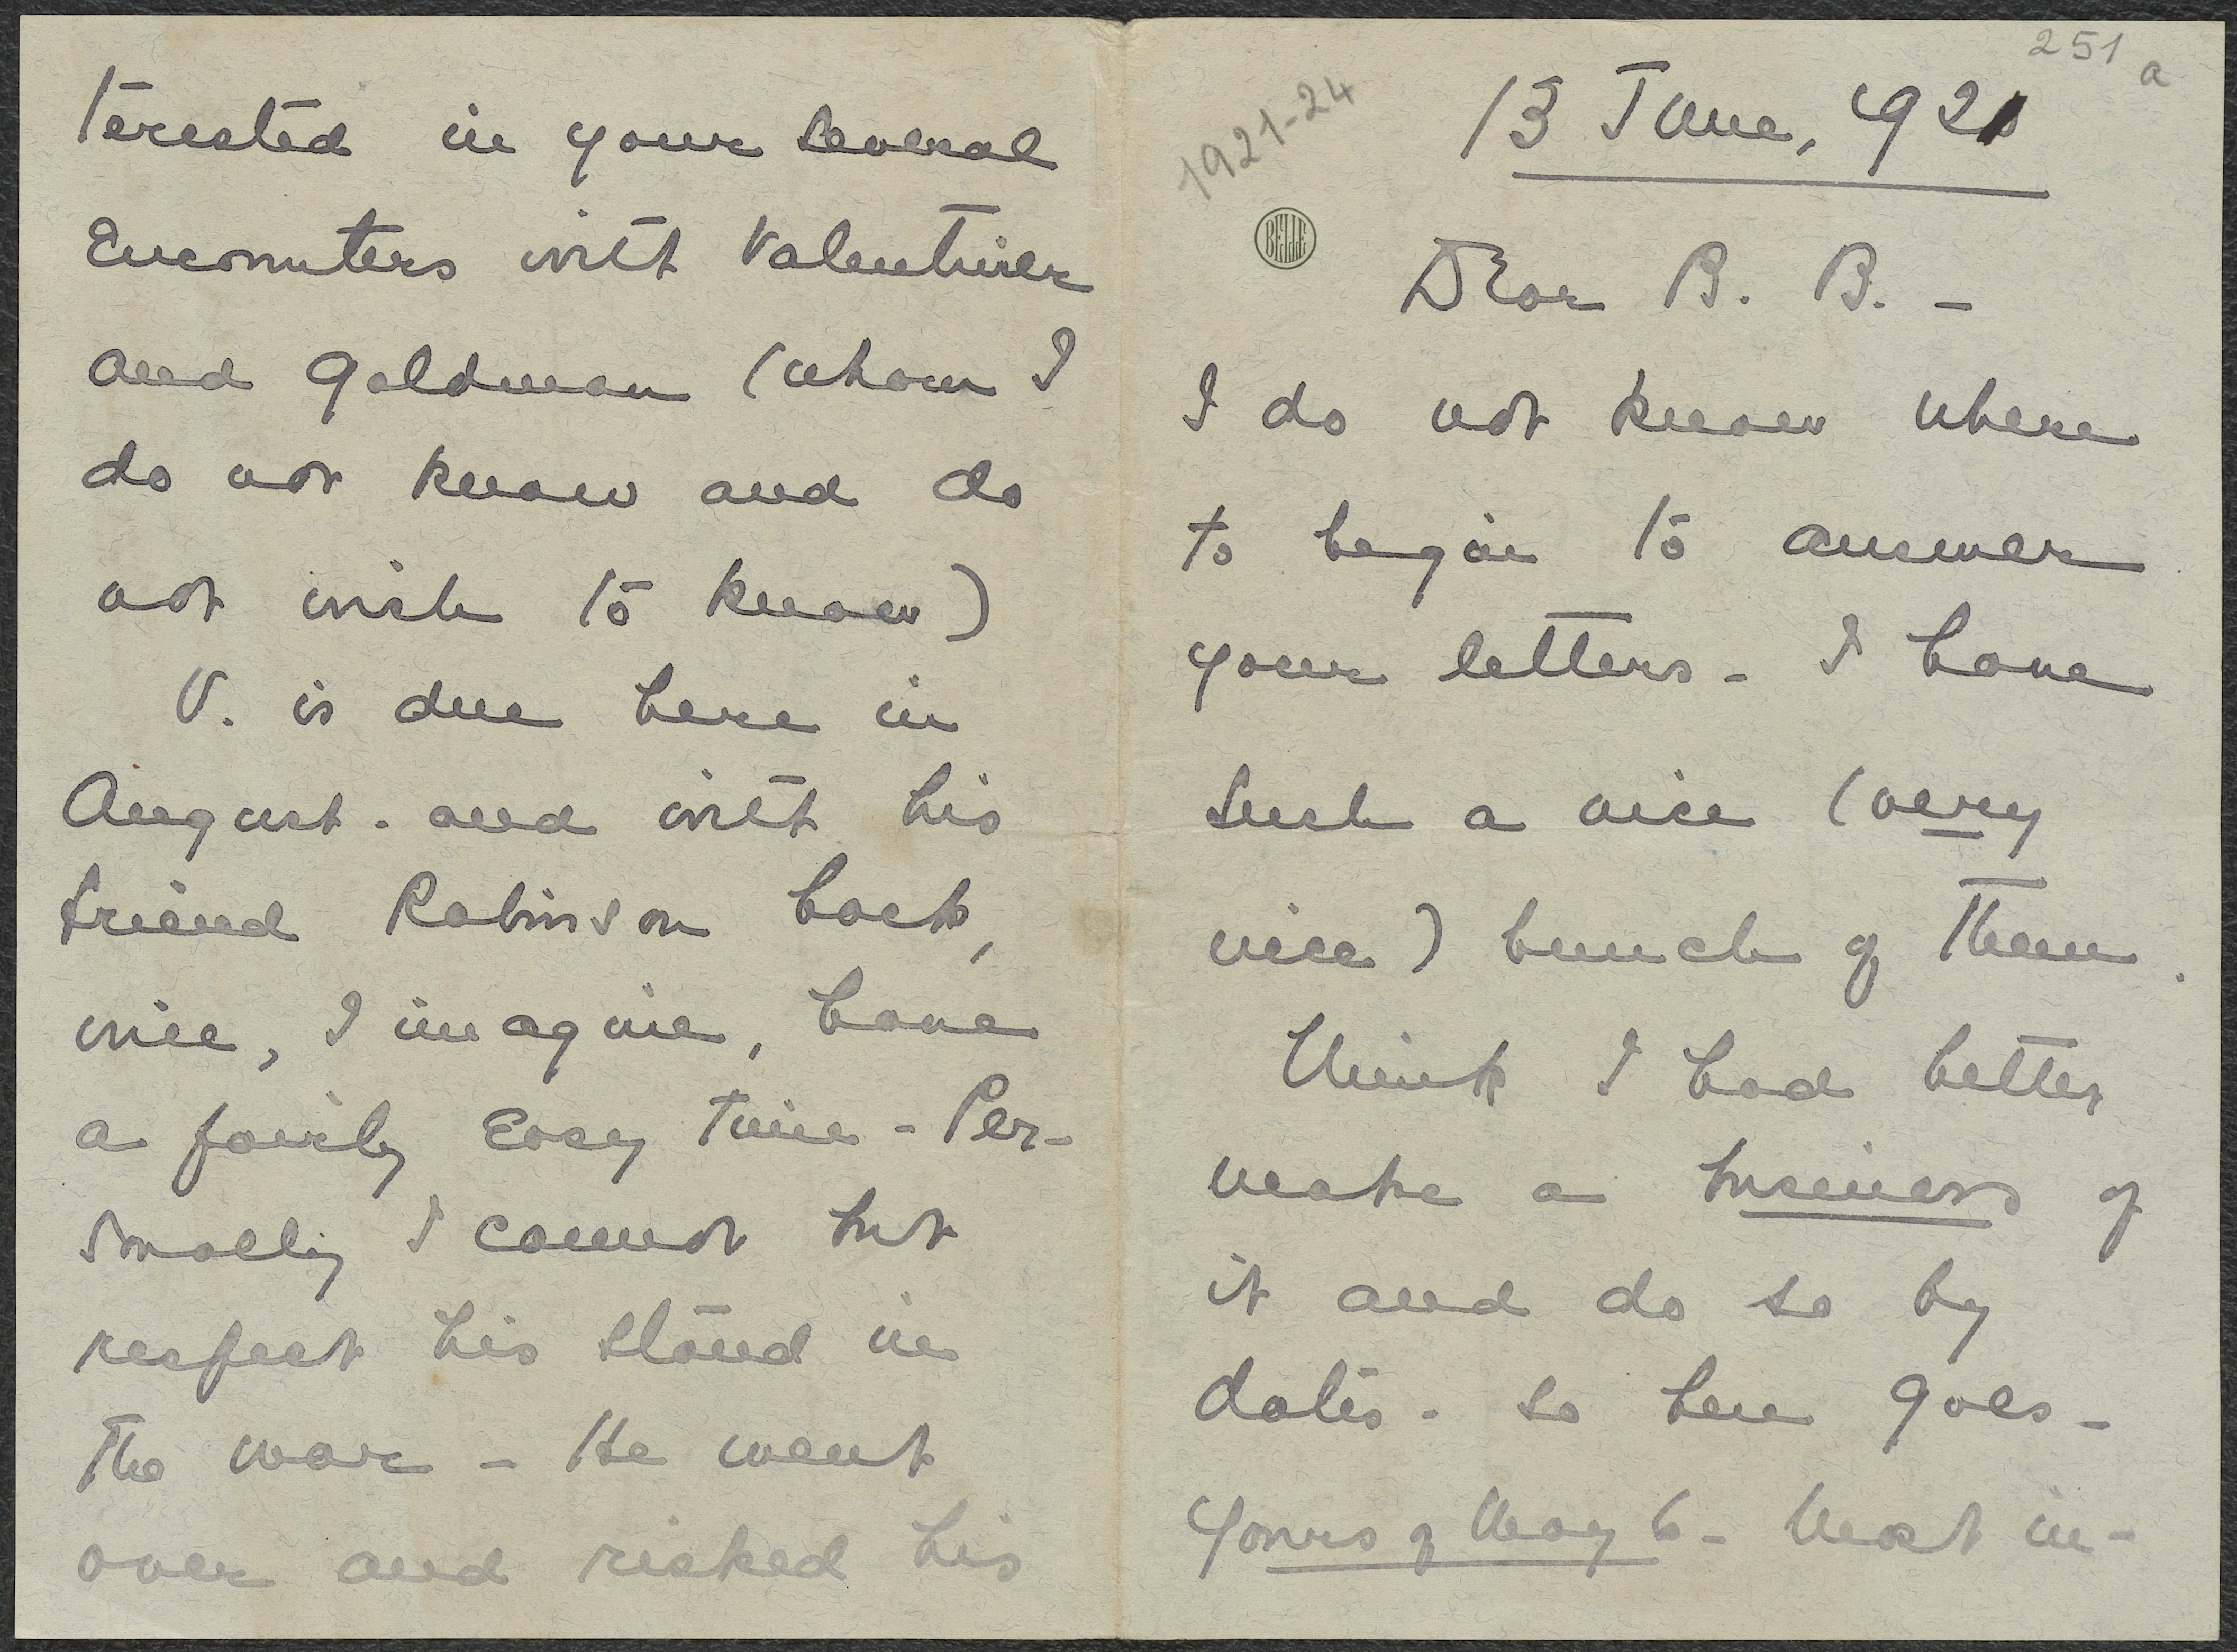13 June, 1921
Dear B. B. –
I do not know where to begin to answer your letters – I have such a nice (very nice) bunch of them. Think I had better make a business of it and do so by dates – so here goes –
Yours of May 6 – most
interested in your several encounters with Valentiner and Goldman (whom I do not know and do not wish to know)
V. is due here in August – and with his friend Robinson back, will, I imagine, have a fairly easy time – Personally I cannot but respect his stand in the war – He went over and risked his